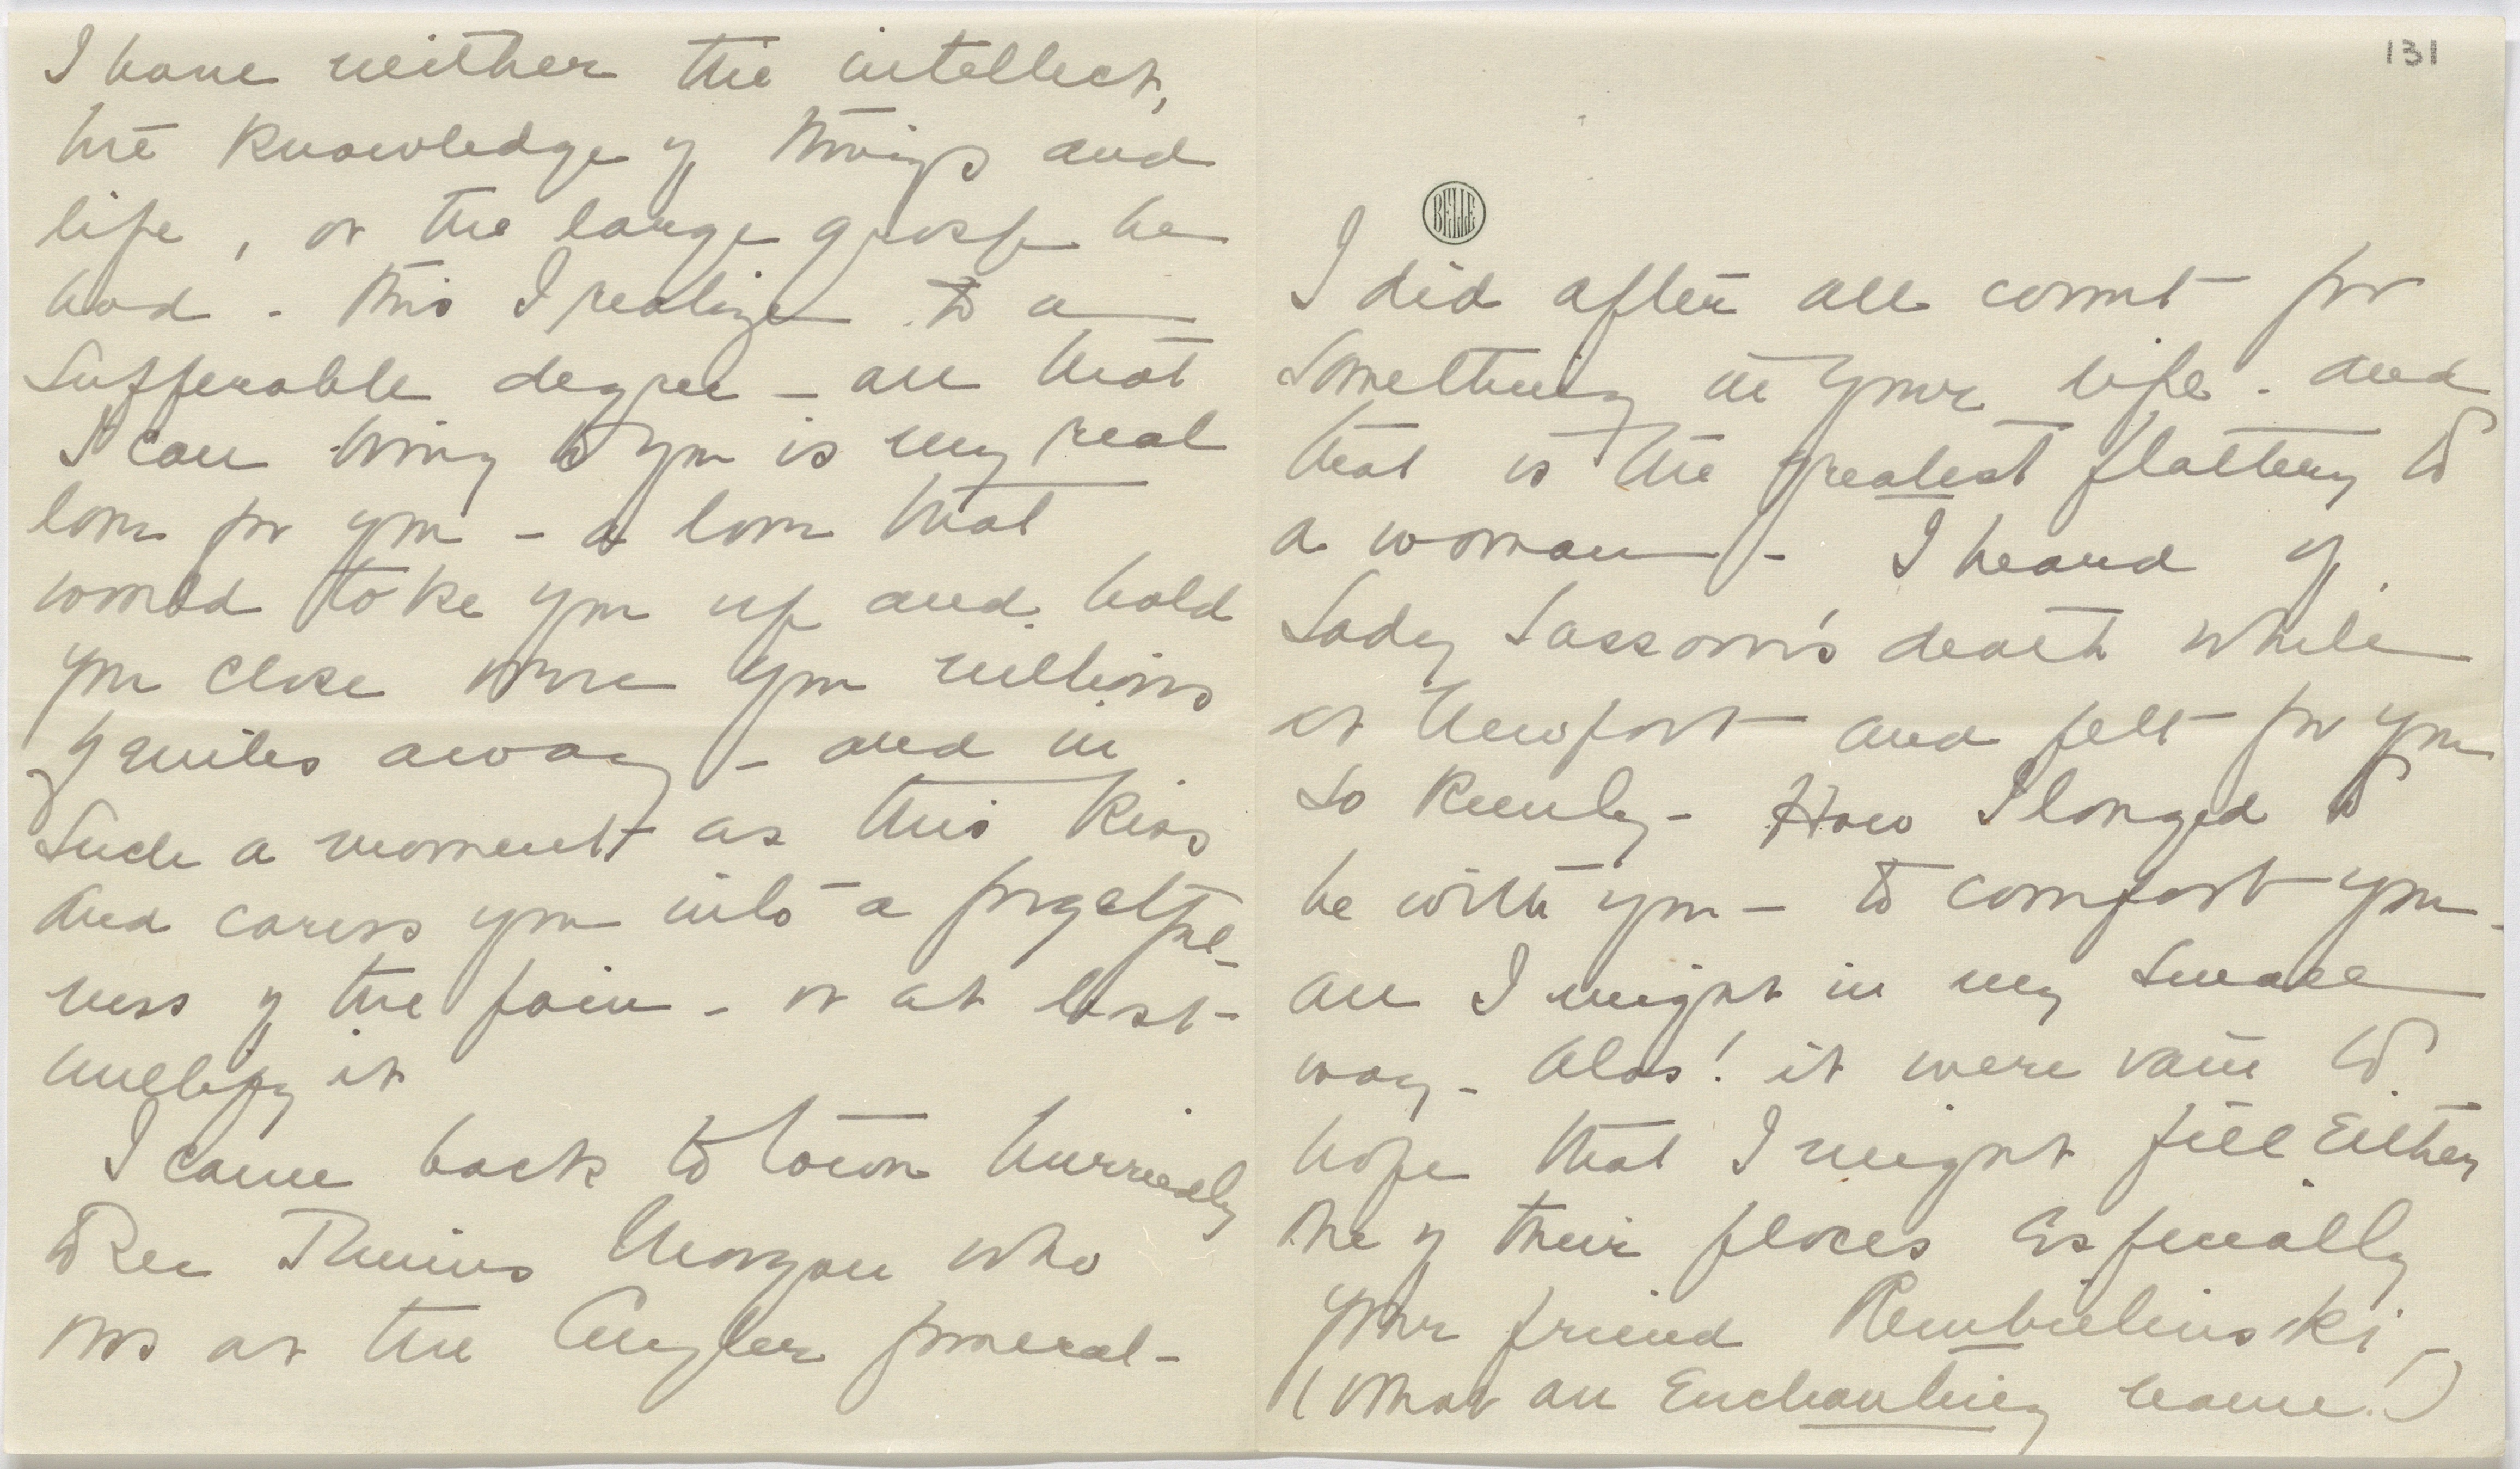I did after all count for something in your life – and that is the greatest flattery to a woman – I heard of Lady Sassoon’s death while at Newport and felt for you so keenly – How I longed to be with you – to comfort you all I might in my small way – Alas! it were vain to hope that I might fill either one of their places especially your friend Rembielinski (What an enchanting name!)
I have neither the intellect, the knowledge of things and life, or the large grasp he had – This I realize to a sufferable degree – all that I can bring to you is my real love for you – a love that would take you up and hold you close were you millions of miles away – and in such a moment as this kiss and caress you into a forgetfulness of the pain – or at last nullify it
I came back to town hurriedly to see Junius Morgan who was at the Cuyler funeral –